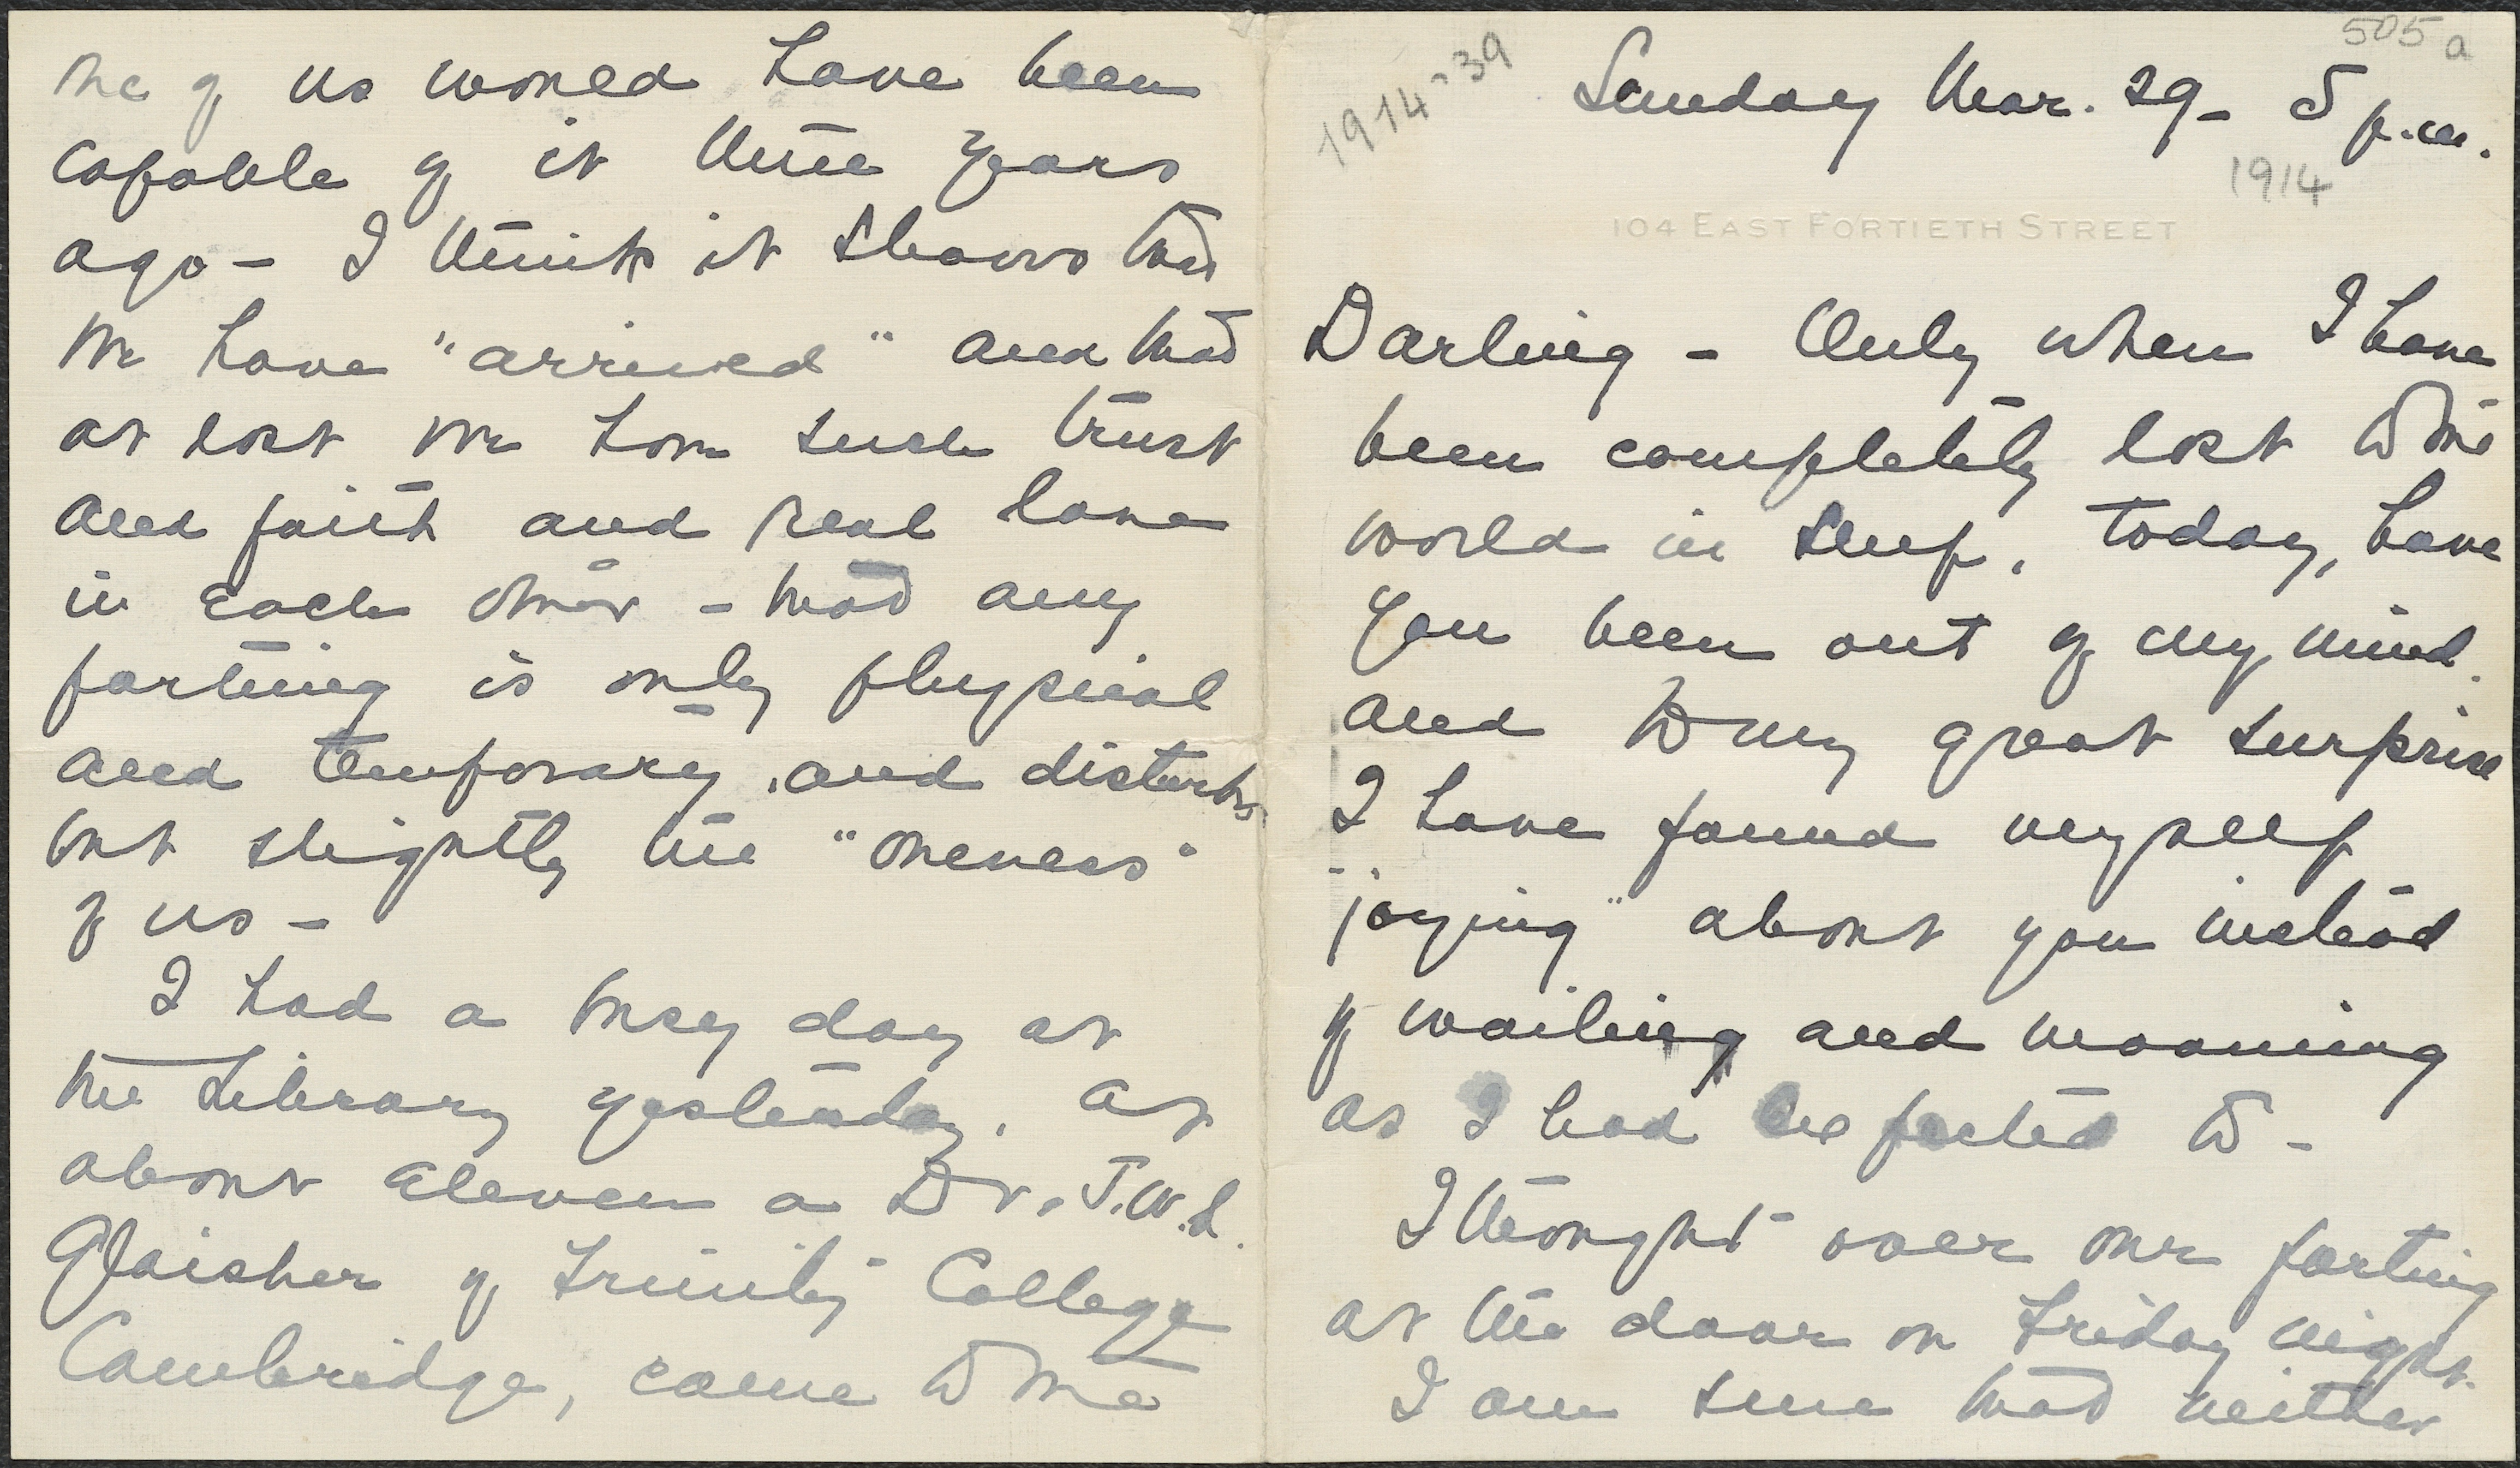Sunday Mar. 29 – 5 p.m.
Darling – Only when I have been completely lost to the world in sleep, today, have you been out of my mind. And to my great surprise I have found myself “joying” about you instead of wailing and moaning as I had expected to –
I thought over our parting at the door on Friday night.
I am sure that neither
one of us would have been capable of it three years ago – I think it shows that we have “arrived” and that at last we have such trust and faith and real love in each other – that any parting is only physical and temporary and disturbs but slightly the “oneness” of us –
I had a busy day at the Library yesterday. At about eleven a Dr. J.W.L. Glaisher of Trinity College Cambridge, came to the